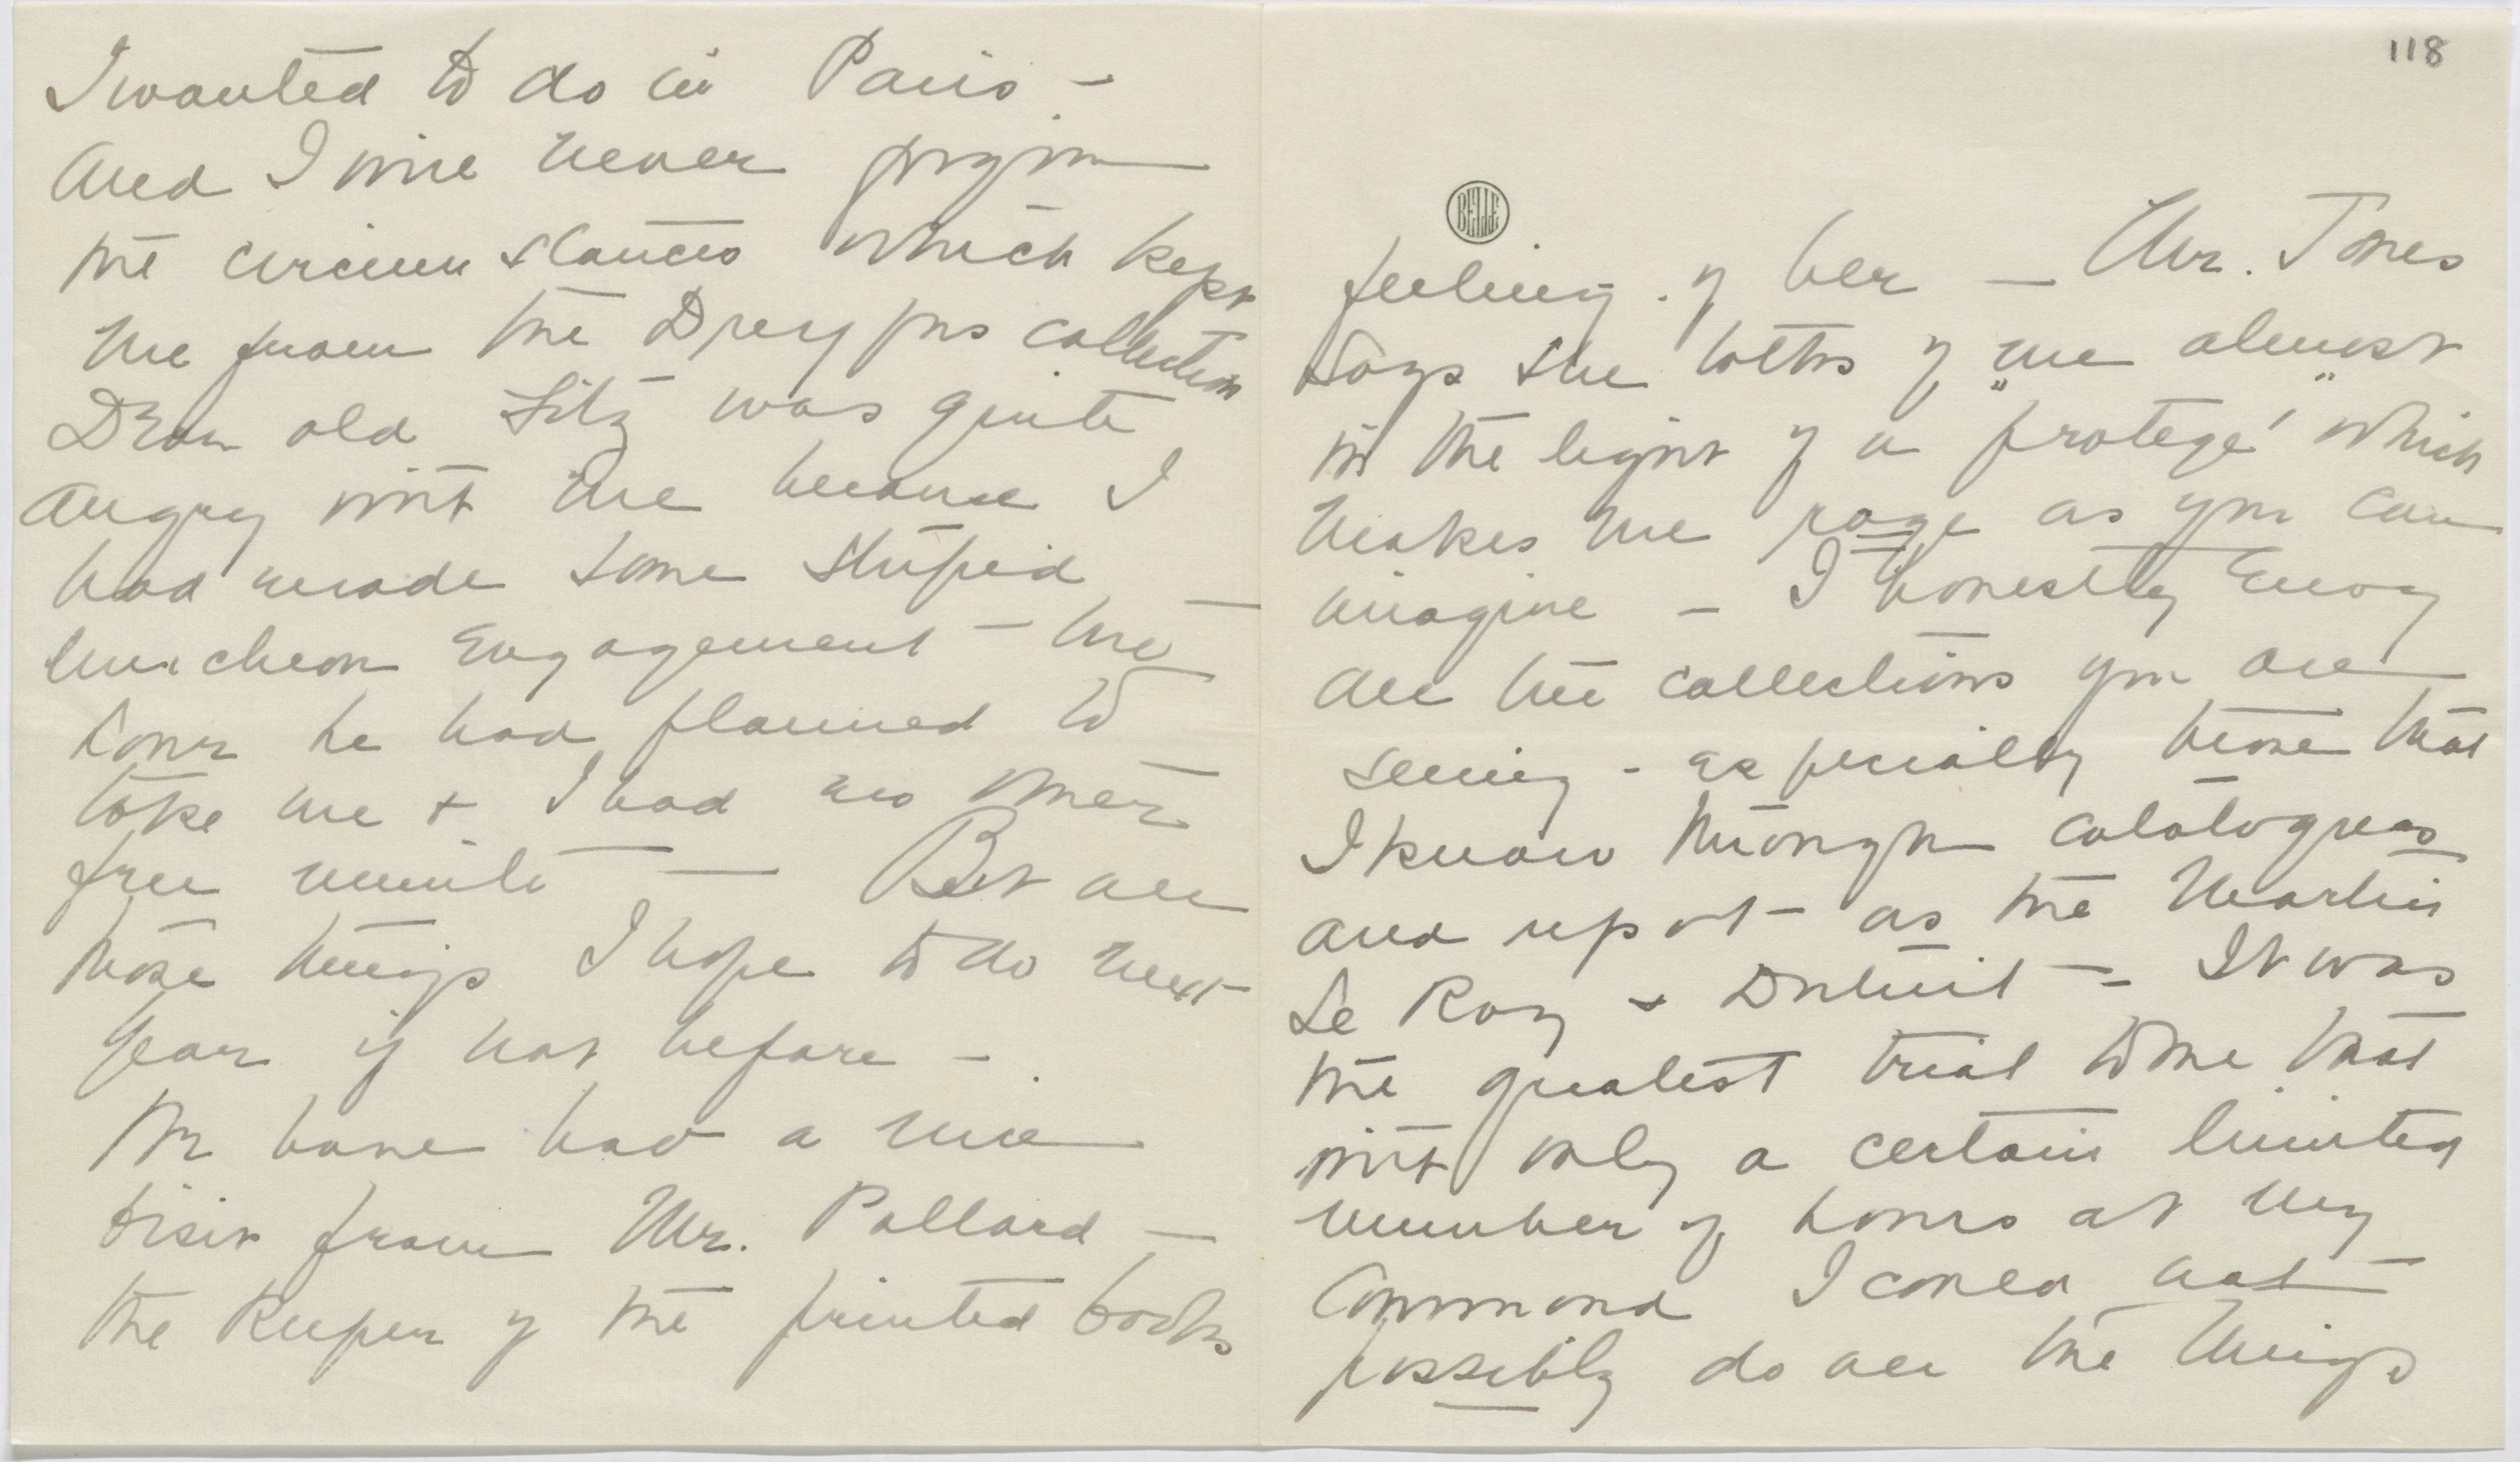feeling of her – Mr. Jones says she talks of me almost in the light of a “protegé” which makes me [double underlined: rage] as you can imagine – I honestly envy all the collections you are seeing – especially those that I know through catalogues and report as the Martin Le Roy & Dutuit – It was the greatest trial to me that with only a certain limited number of hours at my command I could not possibly do all the things
I wanted to do in Paris – and I will never forgive the circumstances which kept me from the Dreyfus collection
Dear old Fitz was quite angry with me because I had made some stupid luncheon engagement the hour he had planned to take me & I had no other free minute – But all those things I hope to do next year if not before –
We have had a nice visit from Mr. Pollard the Keeper of the printed books